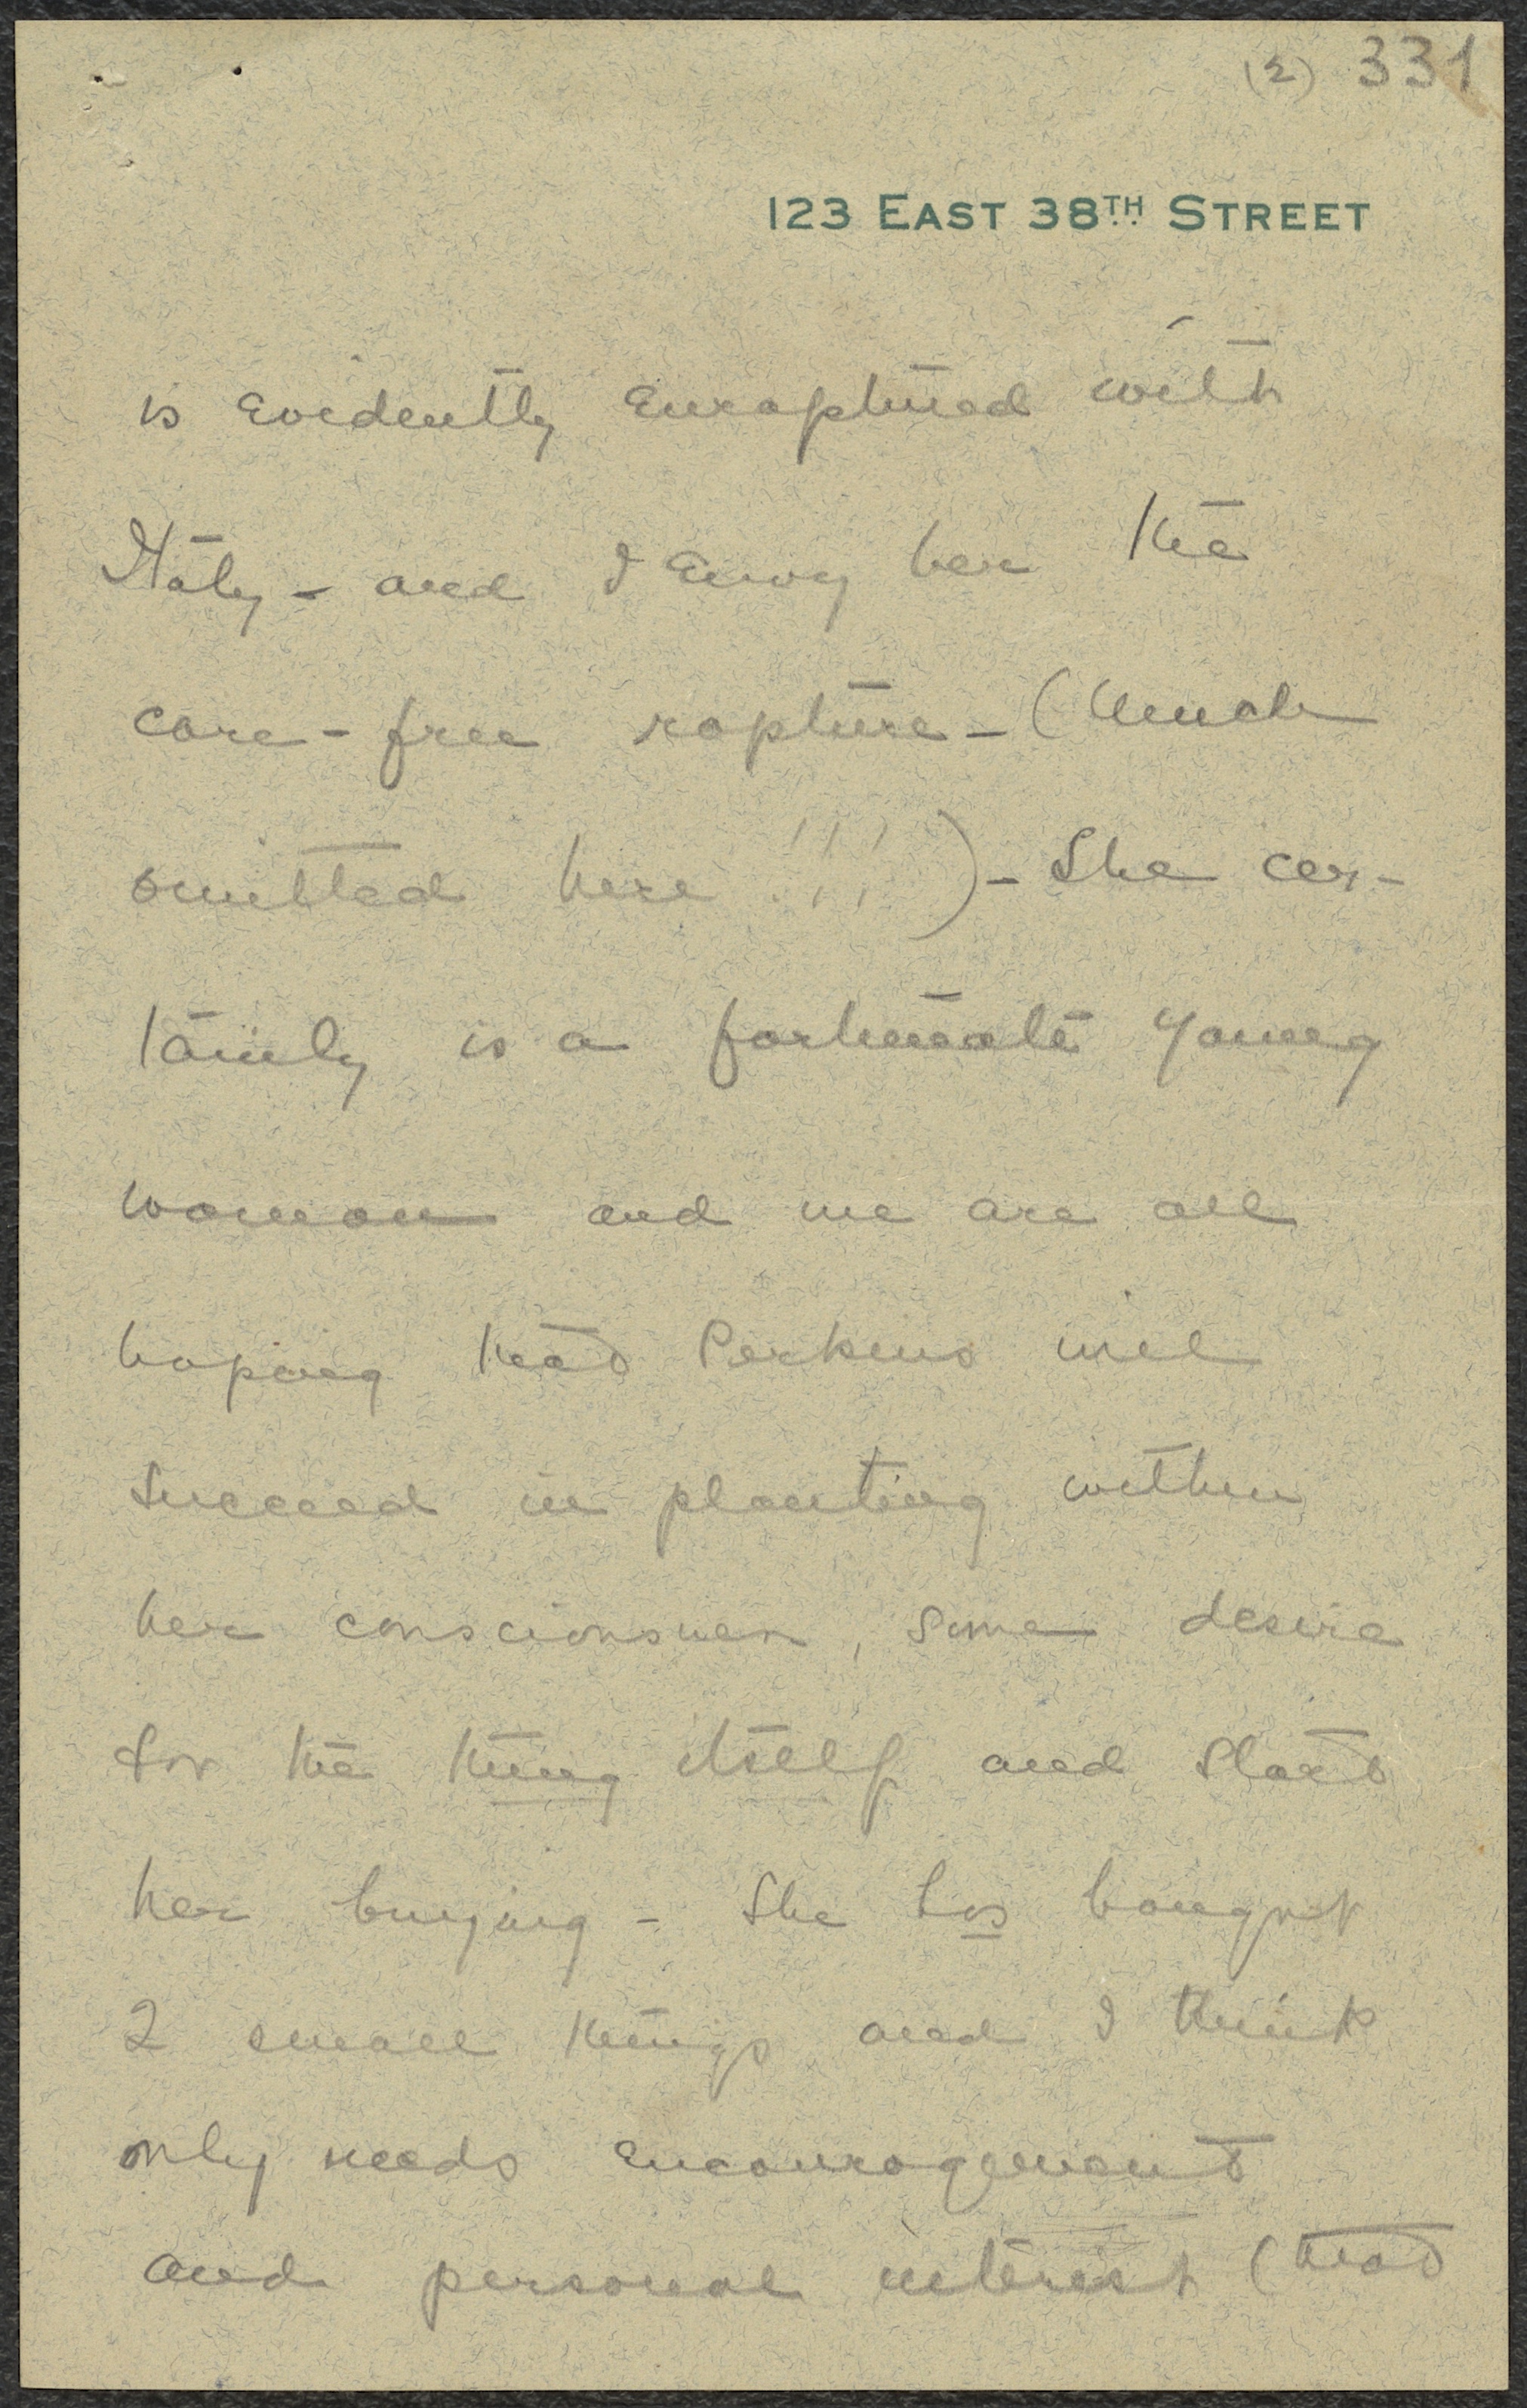(2)
is evidently enraptured with Italy – and I envy her the care-free rapture – (much omitted here!!!) – She certainly is a fortunate young woman and we are all hoping that Perseus will succeed in planting within her consciousness, some desire for the thing itself and start her buying – she has bought 2 small things and I think only needs encouragement and personal interest (that